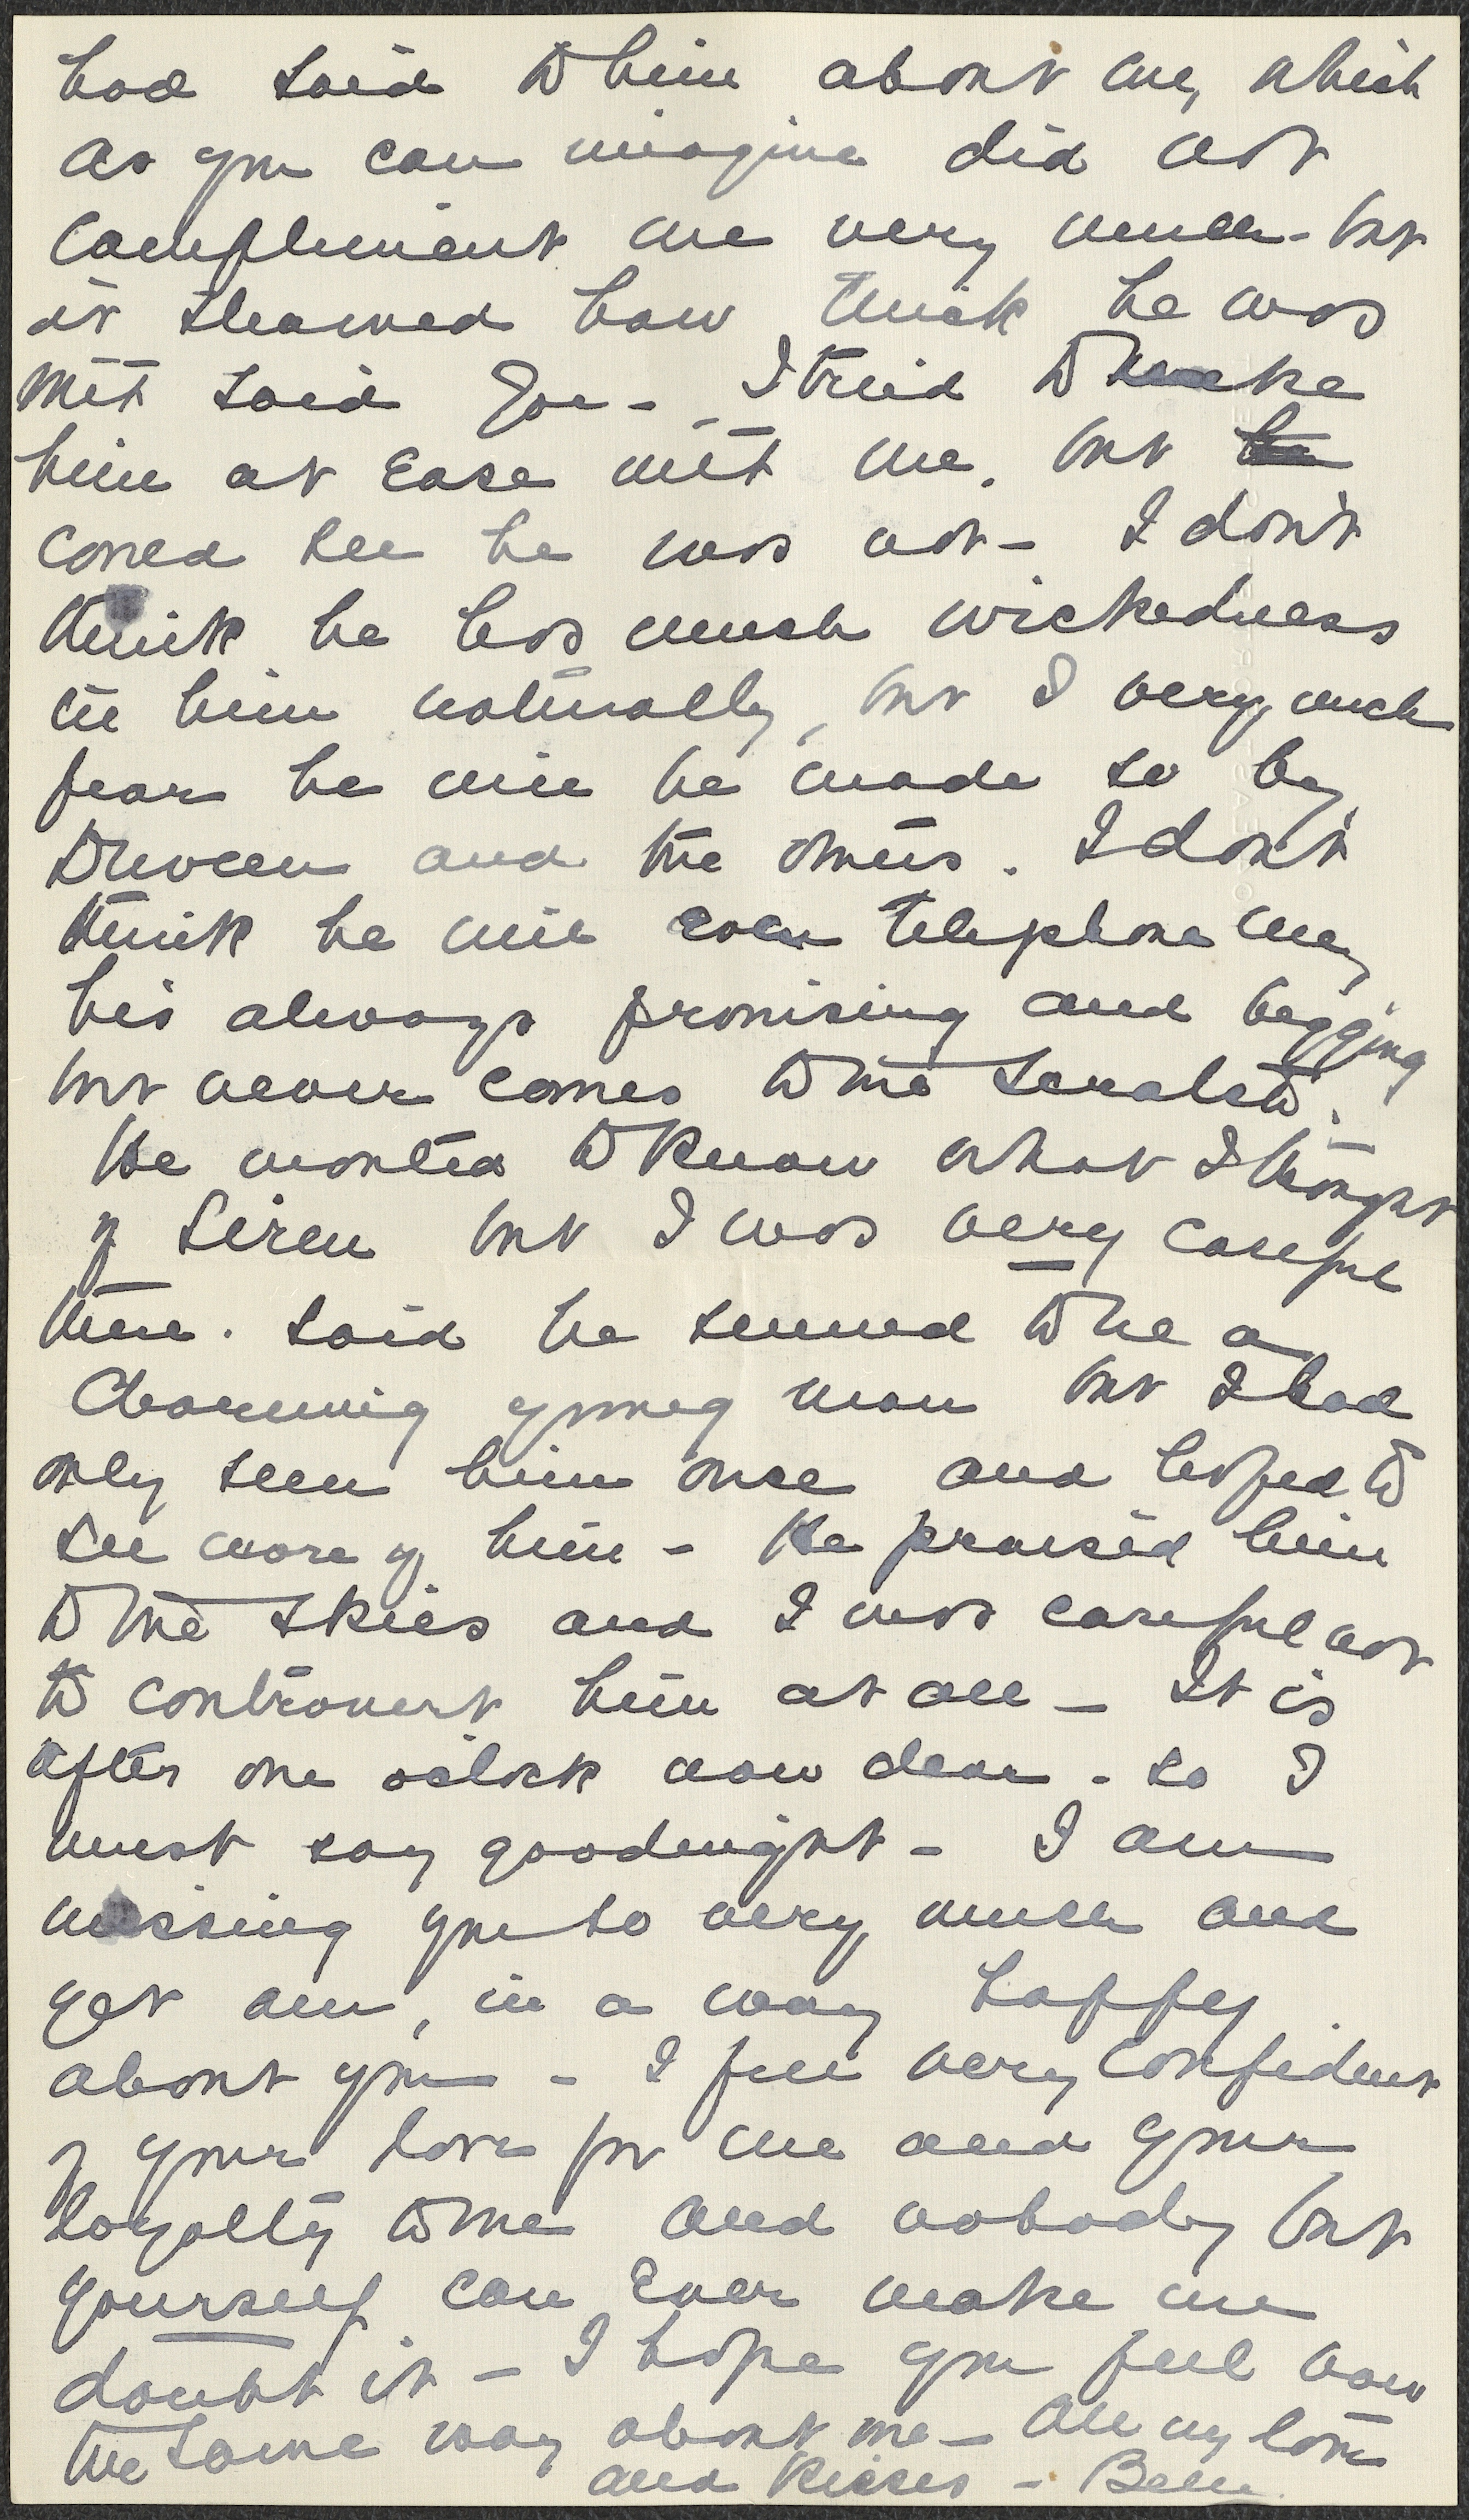had said to him about me, which as you can imagine did not compliment me very much – but it showed how thick he was with said Joe – I tried to make him at ease with me, but he could see be was not – I don’t think he has much wickedness in him naturally, but I very much fear he will be made so by Duveen and the others. I don’t think he will ever telephone me, he’s always promising and begging but never comes to the scratch. He wanted to know what I thought of Siren but I was very careful there. said he seemed to be a charming young man but I had only seen him once and hoped to see more of him – He praised him to the skies and I was careful not to controvert him at all – It is after one o’clock now dear – so I must say goodnight – I am missing you so very much and yet am, in a way happy about you – I feel very confident of your love for me and your loyalty to me and nobody but yourself can ever make me doubt it – I hope you feel now the same way about me – All me love and kisses – Belle